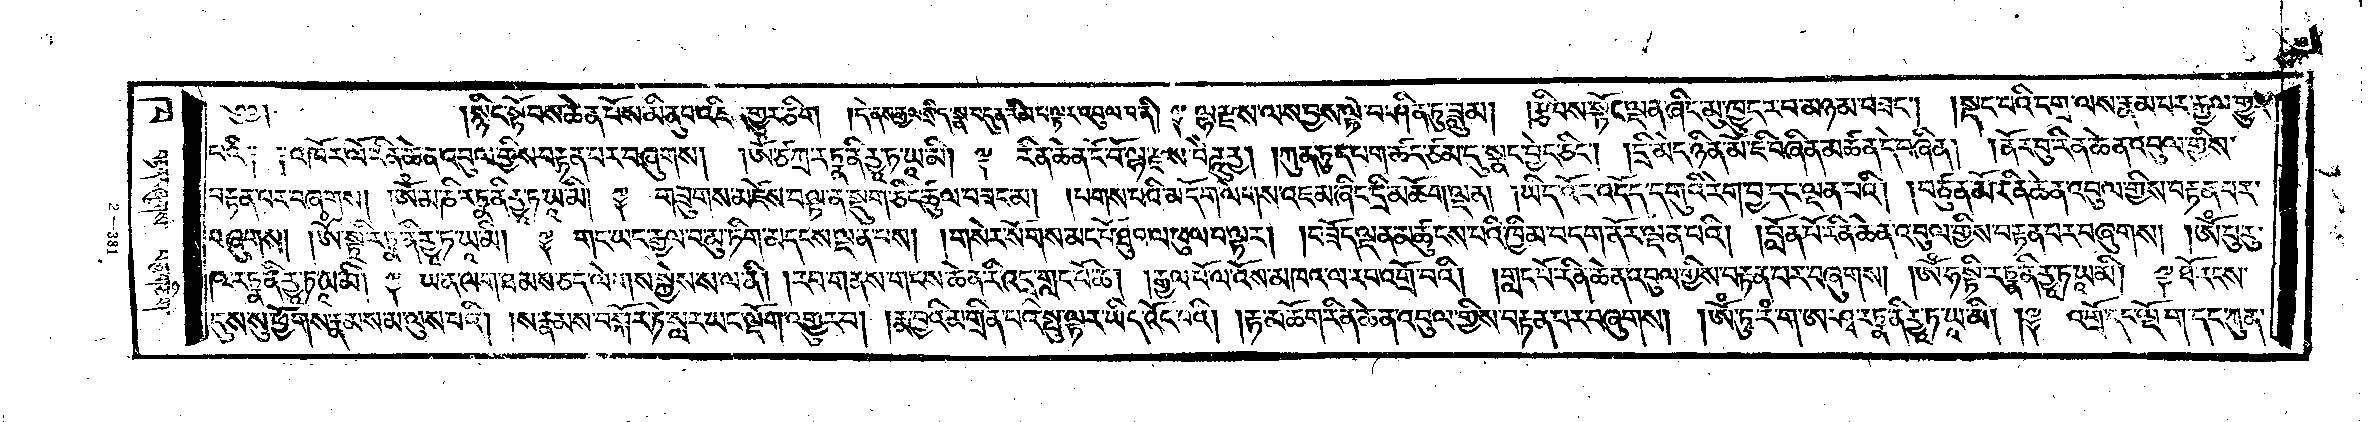༄༅། །སྙིང་སྟོབས་ཆེན་པོས་མི་ནུབ་འཇིན་གྱུར་ཅིག་།དེ་ནས་རྒྱལ་སྲིད་སྣ་བདུན་རིམ་ང་ལྟར་འབུལ་བ་ནི།  ༈ ལྷ་རྫས་ལས་བྱས་ལྟེ་བ་ཤིན་ཏུ་ཟླུམ། །རྩིབས་སྟོང་ལྡན་ཞིང་མུ་ཁྱུད་རབ་མཉམ་བཟང་། །སྡང་བའི་དགྲ་ལས་རྣམ་པར་རྒྱལ་གྱུར་
པའི༑ ༑འཁོར་ལོ་རིན་ཆེན་འབུལ་གྱིས་བརྟན་པར་བཞུགས། །ཨོ་ཙྐྲ་རཏྣ་ནིརྱཱ་ཏ་ཡཱ་མི། ༈ རིན་ཆེན་ངོ་བོ་ལྷ་རྫས་བཻཌཱུརྱ། །ཀུན་ཏུ་དཔག་ཚད་ཙམ་དུ་སྣང་བྱེད་ཅིང་། །དྲི་མེད་ཉིན་མོ་ཇི་བཞིན་མཚན་དེ་བཞིན། །ནོར་བུ་རིན་ཆེན་འབུལ་གྱིས་
བརྟན་པར་བཞགས། །ཨོཾ་མ་ཎི་རཏྣ་ནིརྱཱ་ཏ་ཡཱ་མི། ༈ གཟུགས་མཇོས་བལྟ་ན་སྡུག་ཅིང་ཚུལ་བཟང་མ། །པགས་པའི་མདོག་ལེགས་འཇམ་ཞིང་དྲི་མཆོག་ལྡན། །ཡིད་འོང་འདོད་དགུའི་རེག་བྱ་དང་ལྡན་པའི། །བཙུན་མོ་རིན་ཆེན་འབུལ་གྱིས་བརྟན་པར་
བཞུགས། །ཨོཾ་སྟྲ་རིཏྣ་ནིརྱཱ་ཏ་ཡཱ་མི། ༈ གང་ཡང་རྒྱལ་བ་མུ་ཏིག་མདངས་ལྡན་པས། །གསེར་སོགས་མང་པོ་ཐུབ་ལ་ཕུལ་བ་ལྟར། །བཟོད་ལྡན་མཚུངས་པའི་ཁྱིམ་བདག་ནོར་ལྡན་པའི། །བློན་པོ་རིན་ཆེན་འབུལ་གྱིས་བརྟན་པར་བཞུགས། །ཨོཾ་པུ་རུ་
ཥ་རཏྣ་ནིརྱཱ་ཏ་ཡཱ་མི། ༈ ཡན་ལག་ཐམས་ཅད་ལེགས་སྐྱེས་ས་ལ་ནི། །རབ་གནས་གངས་ཆེན་རི་འདྲ་གླང་པོ་ཆེ། །རྒྱལ་པོ་ལ་འོས་མཁའ་ལ་རབ་འགྲོ་བའི། །གླང་པོ་རིན་ཆེན་འབུལ་གྱིས་བརྟན་པར་བཞུགས། །ཨོཾ་ཧསྟི་རཏྣ་ནིརྱཱ་ཏ་ཡཱ་མི། ༈ ཐོ་རངས་
དུས་སུ་ཕྱོགས་རྣམས་མ་ལུས་པའི། །ས་རྣམས་བསྐོར་ཏེ་སླར་ཡང་ལྡོག་འགྱུར་བ། །རྨ་བྱའི་མགྲིན་པའི་སྤུ་ལྟར་ཡིད་འོང་པའི། །རྟ་མཆོག་རིན་ཆེན་འབུལ་གྱིས་བརྟན་པར་བཞུགས། །ཨོཾ་ཏུ་རཾ་ག་ཨ་ཤྭ་རཏྣ་ནིརྱཱ་ཏ་ཡཱ་མི། །༈ འགྲོ་དང་ལྡོག་དང་ཀུན་